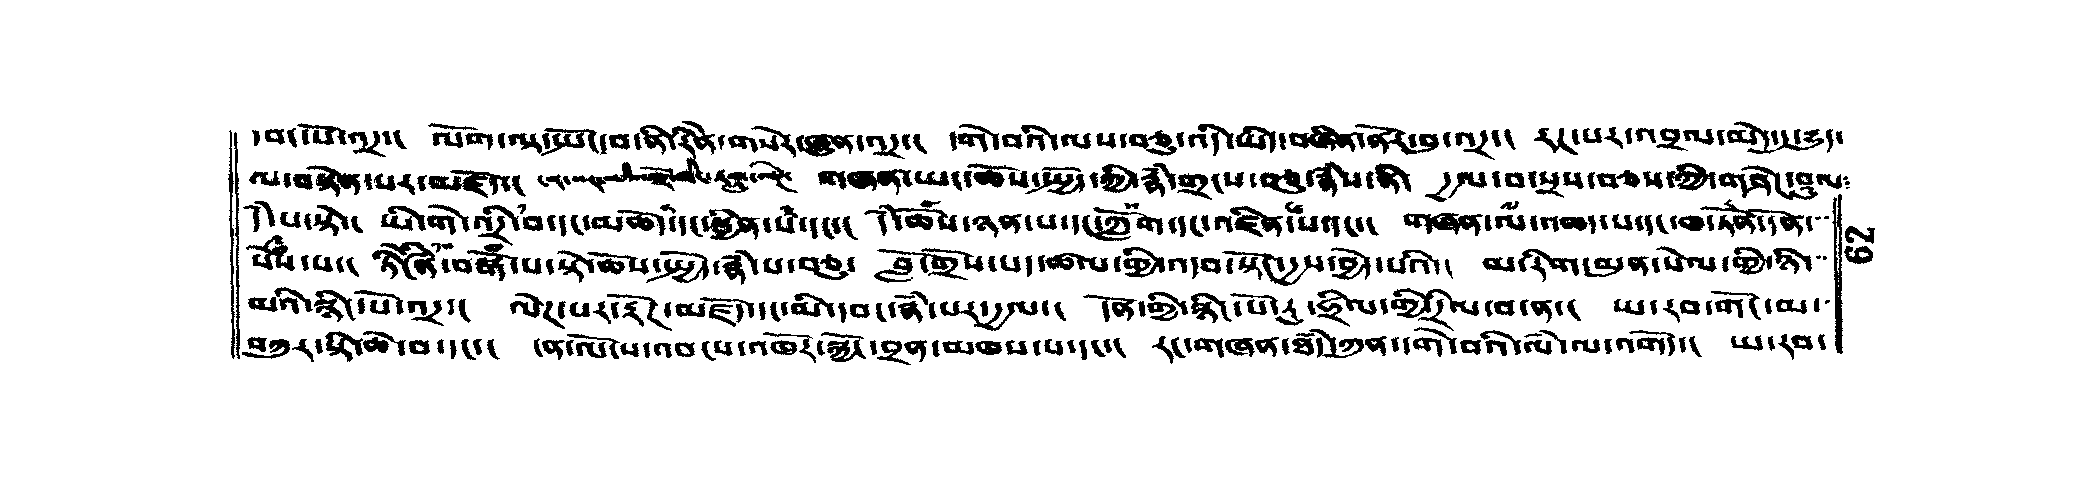དབང་པོ་འདྲ། །ལོག་ལྟ་སྤོང་བ་ནི་ངན་པར་མི་འགྲོ་ཞིང་རྟག་ཏུ་ལེགས ། རིན་ཆེན་གསེར་ཞུན་འདྲ། །དགེ་བའི་ལས་བཅུ་འདི་ཡིད་བཞིན་ནོར་བུ་འདྲ། །རྟག་པར་འབྲལ་མེད་དུ་རྒྱུད་
ལ་བསྟེན་པར་མཛོད། །གཞན་ཡང་ཆོས་སྤྱོད་ཀྱི་རྣམ་གྲངས་བཅུ་རྣམས་ནི། །རྒྱལ་བ་སྲས་བཅས་ཀྱི་གཤེགས་ཤུལ་
དམ་པ་སྟེ། །ཡི་གེ་འབྲི་བ་དང་མཆོད་དང་སྦྱིན་པ་དང་། །དམ་ཆོས་ཉན་པ་དང་ཀློག་དང་འཛིན་པ་དང་། །གཞན་ལ་འཆད་པ་དང་ཁ་ཏོན་དོན་
སེམས་པ། །ཏིང་འཛིན་བསྒོམ་པ་སྡེ་ཆོས་སྤྱོད་རྣམ་པ་བཅུ། །བློ་གྲོས་པད་ཚལ་གྱི་འདབ་སྟོང་རྒྱས་བྱེད་པའི། །མ་རིག་མུན་སེལ་གྱི་ཉི་
མའི་སྙིང་པོ་འདྲ། །ལེགས་པར་རྟོགས་མཛོད་དང་མི་དབང་རྣམ་པར་རྒྱལ། །དོན་གྱི་སྙིང་པོ་རུ་ཧྲིལ་གྱི་དྲིལ་བ་ན། །ཡ་རབ་གོང་མ་
བཀུར་སྟི་ཆེ་བ་དང་། །ངན་ལོངས་འབངས་འཁོར་སྐྱོང་བྲན་མཁས་པ་དང་། །རང་གཞན་ཐམས་ཅད་ཀུན་དགེ་བའི་ལམ་ལ་འགོད། །ཡ་རབས་